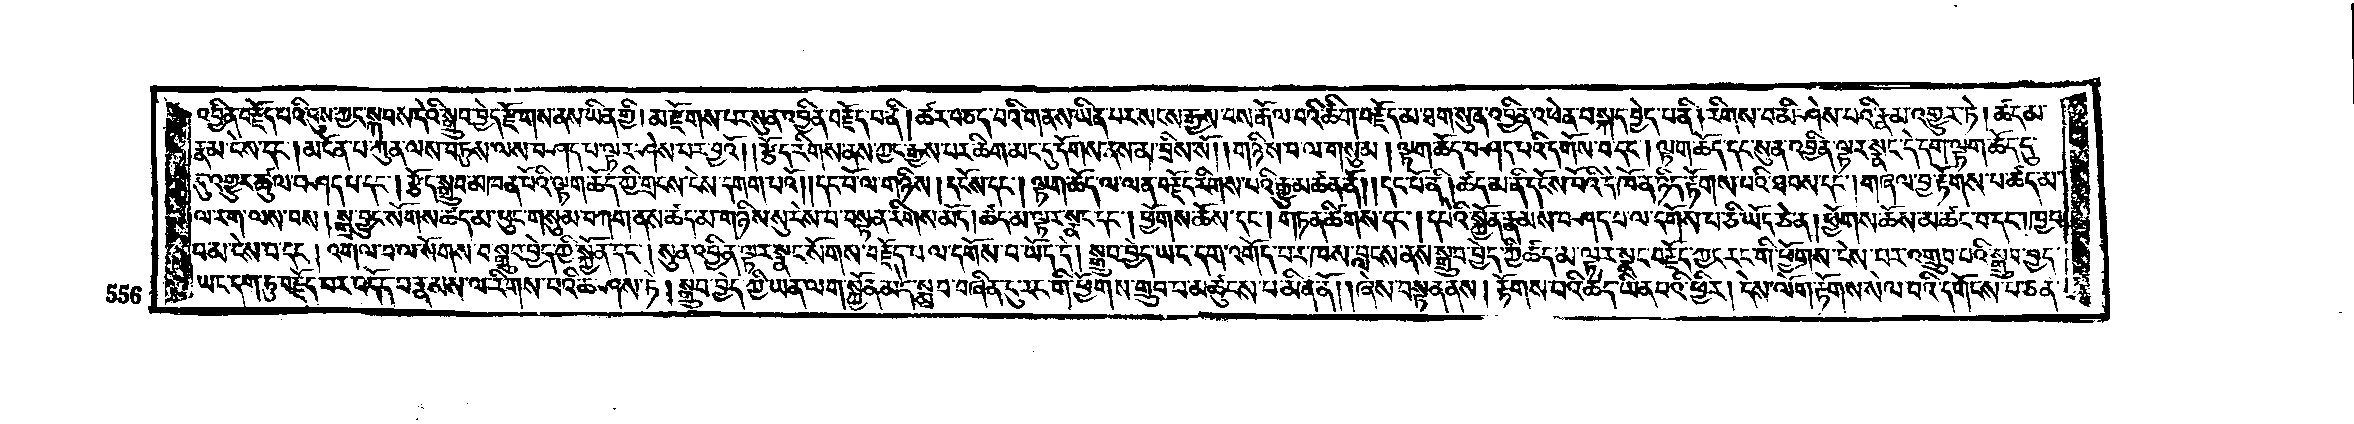འབྱིན་བརྗོད་པའི་བུས་ཀྱང་སྐབས་དེའི་སྒྲུབ་བྱེད་རྫོགས་ནས་ཡིན་གྱི་།མ་རྫོགས་པར་སུམ་འབྱིན་བརྗོད་པ་ནི། ཚར་བཅད་པའི་གནས་ཡིན་པར་སངས་རྒྱས་པས་རྒོལ་བའི་ཚིག་བརྗོད་མ་ཐག་སུན་འབྱིན་འཕེན་བསྐད?་བྱེད་པ་ནི། རིགས་པ་མི་ཤེས་པའི་རྣམ་འགྱུར་ཏེ། ཚད་མ་
རྣམ་ངེས་དང་། མངོན་པ་ཀུན་ལས་བཏུས་ལས་བཤད་པ་ལྟར་ཤེས་པར་བྱའོ། །རྩོད་རིགས་ནས་ཀྱང་རྒྱས་པར་ཚིག་མང་དུ་དོགས་ནས་མ་བྲིས་སོ། །གཉིས་པ་ལ་གསུམ། ལྟག་ཆོད་བཤད་པའི་དགོས་པ་དང་། ལྟག་ཆོད་དང་སུན་འབྱིན་ལྟར་སྣང་དེ་དག་ལྟག་ཆོད་དུ་
དུ་འགྱུར་ཚུལ་བཤད་པ་དང་། རྩོད་སྒྲུབ་མཁན་པོའི་ལྟག་ཆོད་ཀྱི་གྲངས་ངེས་དགག་པའོ། །དང་པོ་ལ་གཉིས། དངོས་དང་། ལྟག་ཆོད་ལ་ལན་བརྗོད་རིགས་པའི་རྒྱུ་མཚན་ནོ། །དང་པོ་ནི། ཚད་མ་ནི་དངོས་པོའི་དེ་ཁོ་ན་ཉིད་རྟོགས་པའི་ཐབས་དང་། གཞལ་བྱ་རྟོགས་པ་ཚད་མ་
ལ་རག་ལས་པས། སྒྲ་བྱུང་སོགས་ཚད་མ་ཕུང་སུམ་བཀག་ནས་ཚད་མ་གཉིས་སུ་རེས་པ་བསྟན་རིགས་མོད། ཚད་མ་ལྟར་སྣང་དང་། ཕྱོགས་ཆོས་དང་། གཏན་ཚིགས་དང་། དཔེའི་སྐྱོན་རྣམས་བཤད་པ་ལ་དགོས་པ་ཅི་ཡོད་ཅེ་ན། ཕྱོགས་ཆོས་མ་ཚང་བ་དང་། ཁྱབ་
པ་མ་ངེས་པ་དང་། འགལ་བ་ལ་སོགས་པ་སྒྲུབ་བྱེད་ཀྱི་སྐྱོན་དང་། སུན་འབྱིན་ལྟར་སྣང་སོགས་བརྗོད་པ་ལ་དགོས་པ་ཡོད་དེ། སྒྲུབ་བྱེད་ཡང་དག་འགོད་པར་ཁས་བླངས་ནས་སྒྲུབ་བྱེད་ཀྱི་ཚད་མ་ལྟར་སྣང་བརྗོད་ཀྱང་རང་གི་ཕྱོགས་ངེས་པར་འགྲུབ་པའི་སྒྲུབ་བྱད་
ཡང་དག་ཏུ་བརྗོད་པར་འདོད་པ་རྣམས་ལ་རིགས་པའི་ཆ་ཤས་ཏེ། སྒྲུབ་བྱེད་ཀྱི་ཡན་ལག་སྐྱོན་མེད་སྨྲ་བ་བཞི་དུ་རང་གི་ཕྱོགས་གྲུབ་པ་མཚུངས་པ་མིན་ནོ། །ཞེས་བསྟན་ནས། རྟོགས་པའི་ཆེད་ཡིན་པའི་ཕྱིར། །དེས་ལོག་རྟོགས་སེལ་བའི་དགོངས་པ་ཅན་